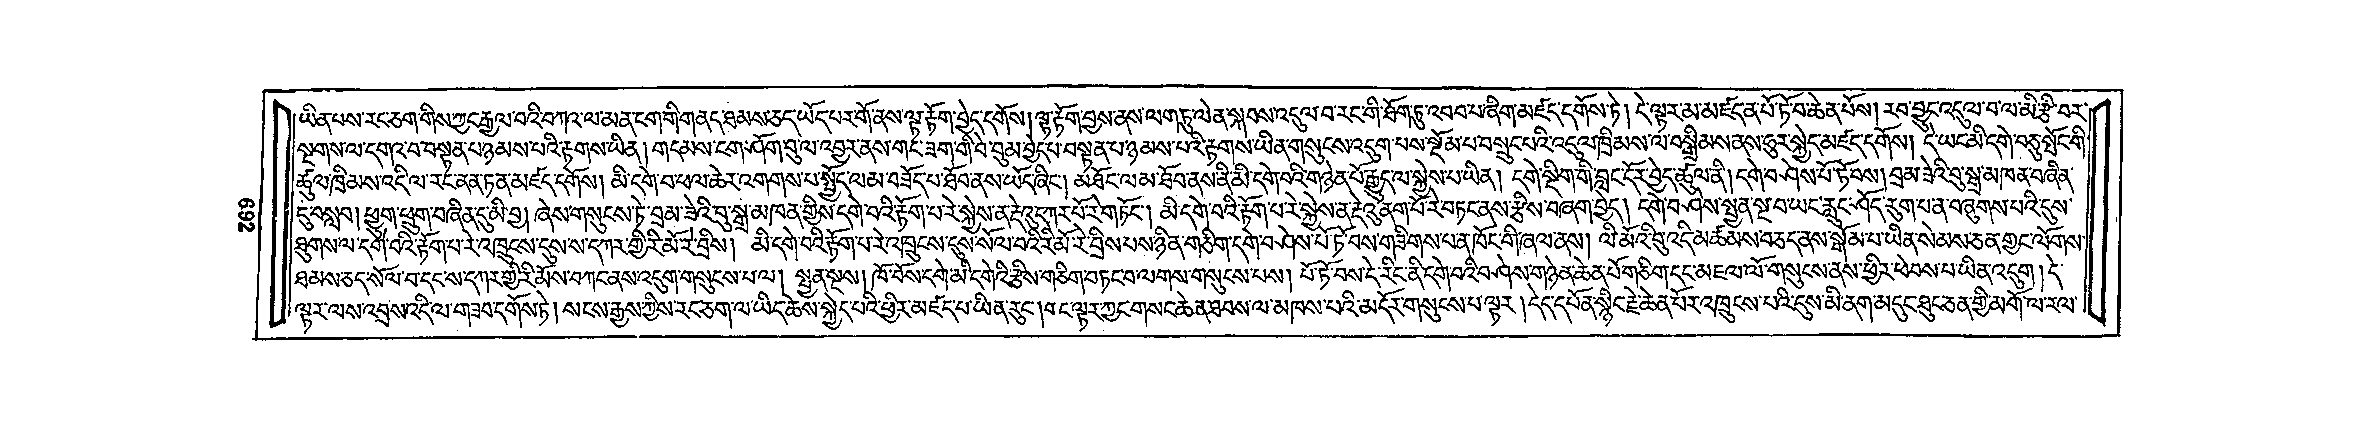ཡིན་པས་རང་ཅག་གིས་ཀྱང་རྒྱལ་བའི་བཀའ་ལ་མན་ངག་གི་གནད་ཐམས་ཅད་ཡོད་པར་གོ་ནས་ལྟ་རྟོག་བྱེད་དགོས། ལྟ་རྟོག་བྱས་ནས་ལག་ཏུ་ལེན་སྐབས་འདུལ་བ་རང་གི་ཐོག་ཏུ་འབབ་པ་ཞིག་མཛད་དགོས་ཏེ། དེ་ལྟར་མ་མཛད་ན་པོ་ཏོ་བ་ཆེན་པོས། རབ་བྱུང་འདུལ་བ་ལ་མི་རྩི་བར་
སྔགས་ལ་དགའ་བ་བསྟན་པ་ཉམས་པའི་རྟགས་ཡིན། གདམས་ངག་ཤོག་བུ་ལ་འབྱར་ནས་གང་ཟག་གི་བེ་བུམ་བྱེད་པ་བསྟན་པ་ཉམས་པའི་རྟགས་ཡིན་གསུངས་འདུག་པས་སྡོམ་པ་བསྲུང་བའི་འདུལ་ཁྲིམས་ལ་བསྒྲིམས་ནས་ཧུར་སྐྱེད་མཛད་དགོས། དེ་ཡང་མི་དགེ་བཅུ་སྤོང་གི་
ཚུལ་ཁྲིམས་འདི་ལ་རང་ནན་ཏན་མཛད་དགོས། མི་དགེ་བ་ཕལ་ཆེར་འགགས་པ་སྤྱོད་ལམ་བཟོད་པ་ཐོབ་ནས་ཡོད་ཞིང་། མཐོང་ལམ་ཐོབ་ནས་ནི་མི་དགེ་བའི་གཉེན་པོ་རྒྱུད་ལ་སྐྱེས་པ་ཡིན། དགེ་སྡིག་གི་བླང་དོར་བྱེད་ཚུལ་ནི། དགེ་བཤེས་པོ་ཏོ་བས། བྲམ་ཟེའི་བུ་སྒྲ་མཁན་བཞིན་
དུ་བསླབ། ཕྱུག་ཕྲུག་བཞིན་དུ་མི་བྱ། ཞེས་གསུངས་ཏེ་བྲམ་ཟེའི་བུ་སྒྲ་མཁན་གྱིས་དགེ་བའི་རྟོག་པ་རེ་སྐྱེས་ན་རྡེའུ་དཀར་པོ་རེ་གཏོང་། མི་དགེ་བའི་རྟོག་པ་རེ་སྐྱེས་ན་རྡེའུ་ནག་པོ་རེ་བཏང་ནས་རྩིས་བཞག་བྱེད། དགེ་བཤེས་སྤྱན་སྔ་བ་ཡང་རླུང་ཤོད་རུག་པ་ན་བཞུགས་པའི་དུས་
ཐུགས་ལ་དགེ་བའི་རྟོག་པ་རེ་འཁྲུངས་དུས་ས་དཀར་གྱི་རི་མོ་རེ་བྲིས། མི་དགེ་བའི་རྟོག་པ་རེ་འཁྲུངས་དུས་སོལ་བའི་རི་མོ་རེ་བྲིས་པས་ཉིན་གཅིག་དགེ་བཤེས་པོ་ཏོ་བས་གཟིགས་པ་ན་ཁོང་གི་ཞལ་ནས། ལི་མོའི་བུ་འདི་མཚམས་བཅད་ནས་སྒོམ་པ་ཡིན་སེམས་ཅན་གྱང་ལོགས་
ཐམས་ཅད་སོལ་བ་དང་ས་དཀར་གྱི་རི་མོས་བཀང་ནས་འདུག་གསུངས་པ་ལ། སྤྱན་སྔས། ཁོ་བོས་དགེ་མི་དགེའི་རྩིས་གཅིག་བཏང་བ་ལགས་གསུངས་པས། པོ་ཏོ་བས་དེ་རིང་ནི་དགེ་བའི་བཤེས་གཉེན་ཆེན་པོ་གཅིག་དང་མཇལ་ལོ་གསུངས་ནས་ཕྱིར་ཕེབས་པ་ཡིན་འདུག །དེ་
ལྟར་ལས་འབྲས་འདི་ལ་གཟབ་དགོས་ཏེ། སངས་རྒྱས་ཀྱིས་རང་ཅག་ལ་ཡིད་ཆེས་སྐྱེད་པའི་ཕྱིར་མཛད་པ་ཡིན་རུང་། བང་ལྟར་ཀྱང་གསང་ཆེན་ཐབས་ལ་མཁས་པའི་མདོར་གསུངས་པ་ལྟར། དེད་དཔོན་སྙིང་རྗེ་ཆེན་པོར་འཁྲུངས་པའི་དུས་མི་ནག་མདུང་ཐུང་ཅན་གྱི་མགོ་ལ་རལ་